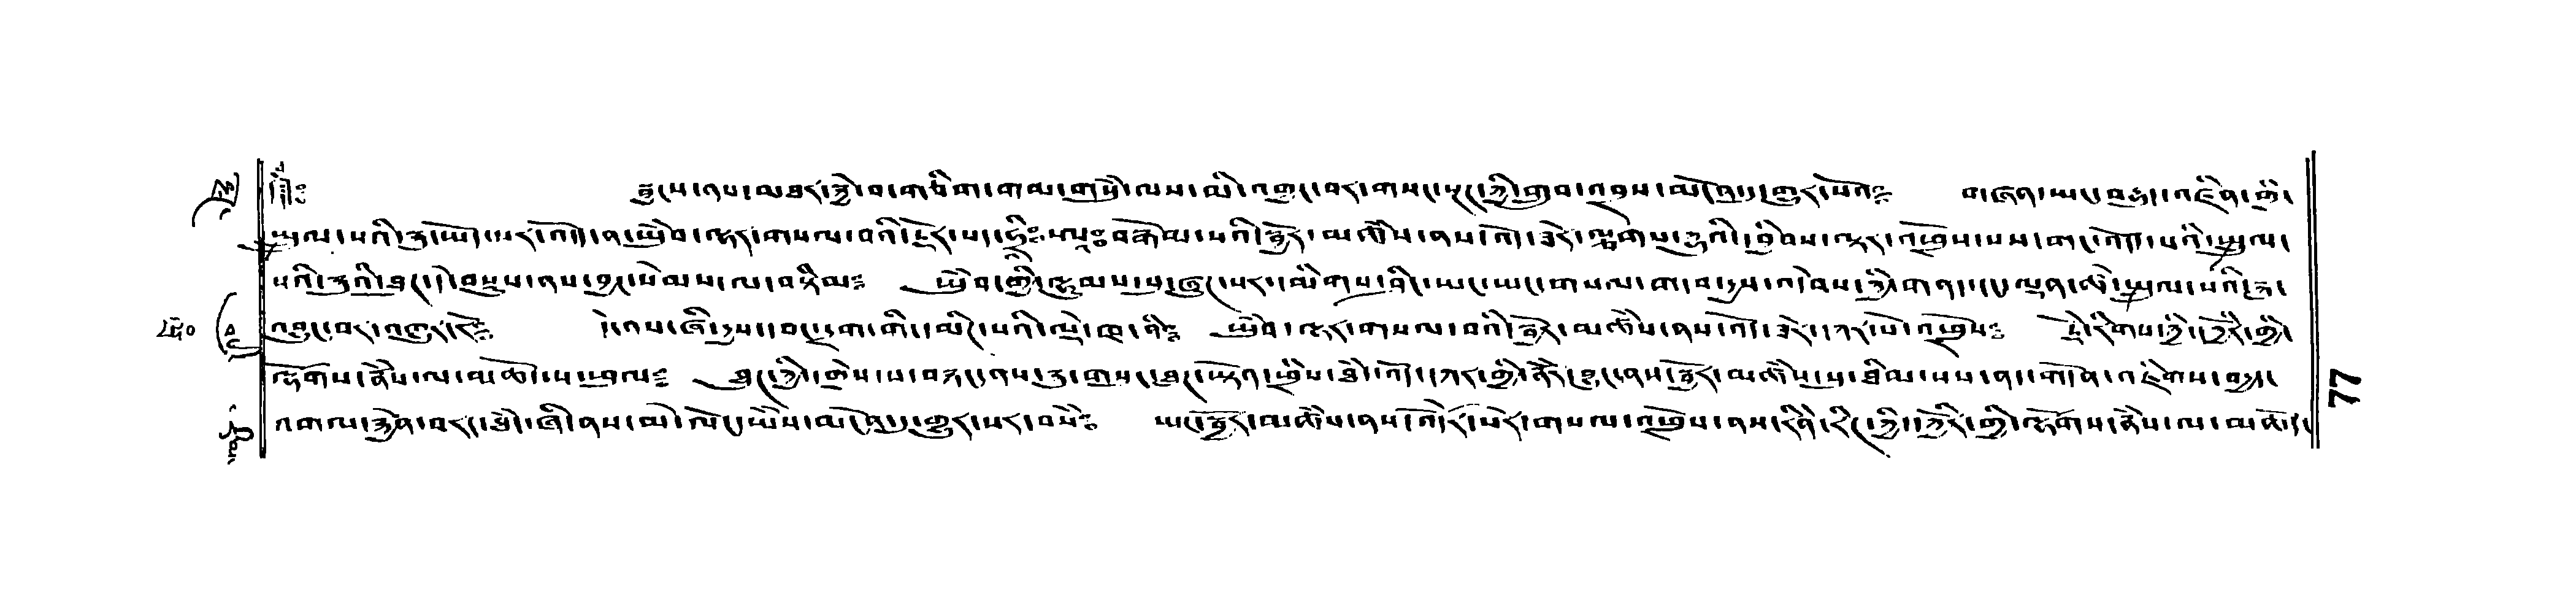སྦྱངས་ནས་མཐར་སྐྱེ་བ་གཅིག་གམ་གསུམ་ལས་མི་འགྱང་བར་གསང་སྔགས་ཀྱི་གྲུབ་འབྲས་མངོན་དུ་གྱུར་པའོ༔ གཞན་ཡང་བརྒྱུད་འཛིན་གྱི་
སྤྲུལ་པའི་སྐུ་ཡོད་པར་འདོད་ན་ཡབ་ཡུམ་ལྷར་གསལ་བའི་རྡོར་པད་ཧྲཱིཿཨཱཿསྒོམ་པའི་སྦྱོར་མཚམས་ནས་འོད་ཟེར་ལྕགས་ཀྱུའི་དབྱིབས་ལྟར་འཕྲོས་པས་གང་འདོད་པའི་སྤྲུལ་
པའི་སྐུའི་ཐུགས་དེ་བསྡུས་ནས་བྱང་སེམས་ལ་བསྟིམ༔ ཡབ་ཡུམ་གྱི་ལྷུམས་སུ་ཞུགས་པར་དམིགས་ཤིང་ཡང་ཡང་གསལ་གདབ་རྒྱས་འདེབས་ཀྱི་གནད་དང་ལྡན་ཚེ་སྤྲུལ་པའི་སྐུ་
འབྱུང་བར་འགྱུར་རོ༔ དེ་ནས་ཞི་རྒྱས་དབང་དྲག་གི་དམིགས་པའི་ལྡེ་ཁ་ནི༔ ཡབ་ཡུམ་ལྷར་གསལ་བའི་སྦྱོར་མཚམས་ནས་འོད་ཟེར་དཀར་པོ་འཕྲོས༔ རྡོ་རྗེ་རིགས་ཀྱི་དཀྱིལ་འཁོར་གྱི་
ལྷ་ཚོགས་རྣམས་ལ་མཆོད་པ་ཕུལ༔ ཐུགས་ཀྱི་དགྱེས་པ་བསྐངས་ནས་སྐུ་གསུང་ཐུགས་ཡོན་ཏན་ཕྲིན་ལས་ཐམས་ཅད་འོད་དཀར་གྱི་རྣམ་པར་བྱུང་ནས་སྦྱོར་མཚམས་སུ་ཐིམ་པས་ནད་གདོན་འཇིགས་བརྒྱད་
འགལ་རྐྱེན་བར་ཆད་ཐམས་ཅད་ཞི་ནས་མེ་ལོང་ཡེ་ཤེས་མངོན་དུ་གྱུར་པར་བསམ༔ ཡང་སྦྱོར་མཚམས་ནས་འོད་ཟེར་སེར་གསལ་འཕྲོས་ནས་རིན་ཆེན་རིགས་ཀྱི་དཀྱིལ་འཁོར་གྱི་ལྷ་ཚོགས་རྣམས་ལ་མཆོད་